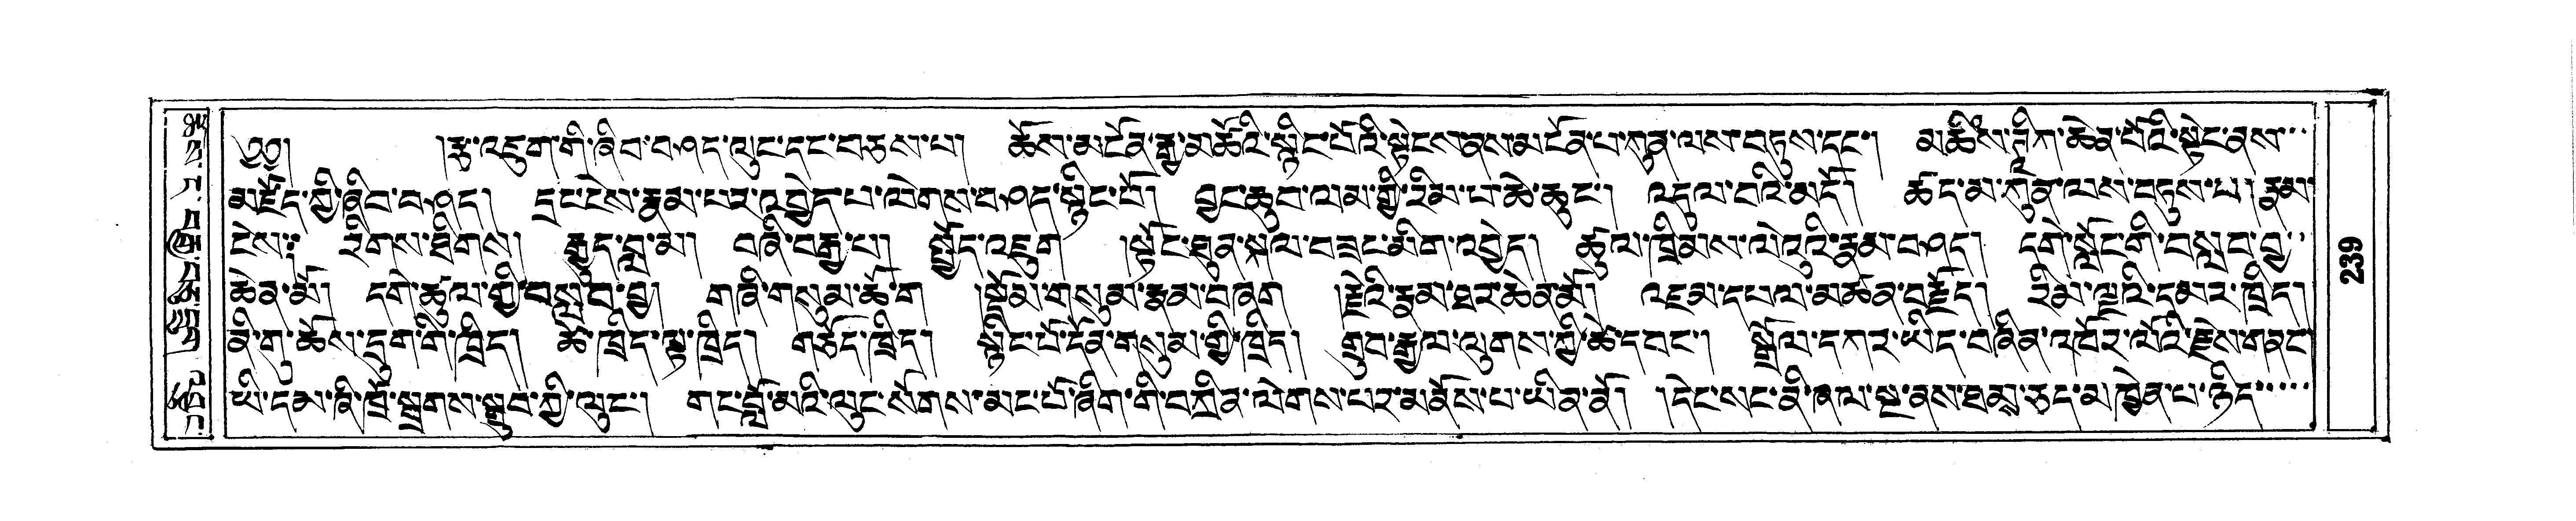༄༅། །རྩ་འཇུག་གི་ཞིབ་བཤད་ལུང་དང་བཅས་པ། ཆོས་མངོན་རྒྱ་མཚོའི་སྙིང་པོའི་སྟེངས་ནས་མངོན་པ་ཀུན་ལས་བཏུས་དང་། མཆིམས་ཊཱིཀ་ཆེན་པོའི་སྟེང་ནས་
མཛོད་ཀྱི་ཞིབ་བཤད། དྲང་ངེས་རྣམ་པར་འབྱེད་པ་ལེགས་བཤད་སྙིང་པོ། བྱང་ཆུབ་ལམ་གྱི་རིམ་པ་ཆེ་ཆུང་། འདུལ་བའི་མདོ། ཚད་མ་ཀུན་ལས་བཏུས་པ། རྣམ་
ངེས༑ རིགས་ཐིགས། རྒྱུད་བླ་མ། བཞི་བརྒྱ་པ། སྤྱོད་འཇུག །སྟོང་ཐུན་སྐལ་བཟང་མིག་འབྱེད། ཚུལ་ཁྲིམས་ལེའུའི་རྣམ་བཤད། དགེ་སློང་གི་བསླབ་བྱ་
ཆེན་མོ། དགེ་ཚུལ་གྱི་བསླབ་བྱ། གཞི་གསུམ་ཆོ་ག །སྡོམ་གསུམ་རྣམ་བཞག །རྗེའི་རྣམ་ཐར་ཆེན་མོ། འཇམ་དཔལ་མཚན་བརྗོད། རིམ་ལྔའི་དམར་ཁྲིད།
ནི་གུ་ཆོས་དྲུག་གི་ཁྲིད། ཚེ་ཁྲིད་ལྟ་ཁྲིད། གཅོད་ཁྲིད། སྙིང་པོ་དོན་གསུམ་གྱི་ཁྲིད། གྲུབ་རྒྱལ་ལུགས་ཀྱི་ཚེ་དབང་། སྒྲོལ་དཀར་ཡིད་བཞིན་འཁོར་ལོའི་རྗེས་གནང་
ཡི་དམ་ཞི་ཁྲོ་སྦྲགས་སྒྲུབ་ཀྱི་ལུང་། གང་བློ་མའི་ལུང་སོགས་མང་པོ་ཞིག་གི་བཀྲིན་ལེགས་པར་མནོས་པ་ཡིན་ནོ། །དེང་སང་ནི་ཞལ་སྔ་ནས་ཐམས་ཅད་མཁྱེན་པ་ཉིད་